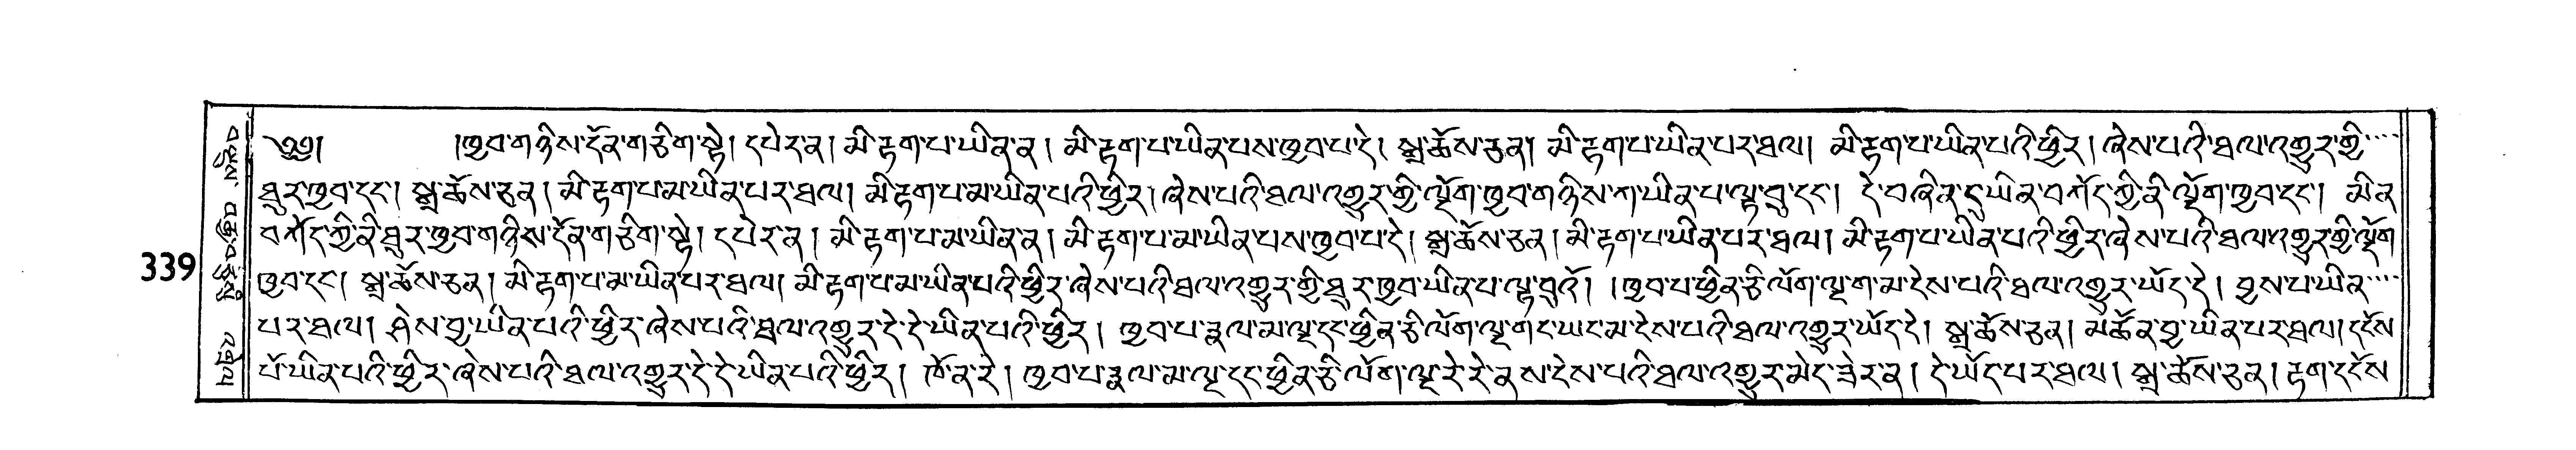༄༅། །ཁྱབ་གཉིས་དོན་གཅིག་སྟེ། དཔེར་ན། མི་རྟག་པ་ཡིན་ན། མི་རྟག་པ་ཡིན་པས་ཁྱབ་པ་དེ། སྒྲ་ཆོས་ཅན། མི་རྟག་པ་ཡིན་པར་ཐལ། མི་རྟག་པ་ཡིན་པའི་ཕྱིར། ཞེས་པའི་ཐལ་འགྱུར་གྱི་
ཐུར་ཁྱབ་དང་། སྒྲ་ཆོས་ཅན། མི་རྟག་པ་མ་ཡིན་པར་ཐལ། མི་རྟག་པ་མ་ཡིན་པའི་ཕྱིར། ཞེས་པའི་ཐལ་འགྱུར་གྱི་ལྡོག་ཁྱབ་གཉིས་ཀ་ཡིན་པ་ལྟ་བུ་དང་། དེ་བཞིན་དུ་ཡིན་བཀོད་ཀྱི་ནི་ལྡོག་ཁྱབ་དང་། མིན་
བཀོད་ཀྱི་ནི་ཐུར་ཁྱབ་གཉིས་དོན་གཅིག་སྟེ། དཔེར་ན། མི་རྟག་པ་མ་ཡིན་ན། མི་རྟག་པ་མ་ཡིན་པས་ཁྱབ་པ་དེ། སྒྲ་ཆོས་ཅན། མི་རྟག་པ་ཡིན་པར་ཐལ། མི་རྟག་པ་ཡིན་པའི་ཕྱིར་ཞེས་པའི་ཐལ་འགྱུར་གྱི་ལྡོག་
ཁྱབ་དང་། སྒྲ་ཆོས་ཅན། མི་རྟག་པ་མ་ཡིན་པར་ཐལ། མི་རྟག་པ་མ་ཡིན་པའི་ཕྱིར་ཞེས་པའི་ཐལ་འགྱུར་གྱི་ཐུར་ཁྱབ་ཡིན་པ་ལྟ་བུའོ། །ཁྱབ་པ་ཕྱིན་ཅི་ལོག་ལྔ་ག་མ་ངེས་པའི་ཐལ་འགྱུར་ཡོད་དེ། བྱས་པ་ཡིན་
པར་ཐལ། ཤེས་བྱ་ཡིན་པའི་ཕྱིར་ཞེས་པའི་ཐལ་འགྱུར་དེ་དེ་ཡིན་པའི་ཕྱིར། ཁྱབ་པ་རྣལ་མ་ལྔ་དང་ཕྱིན་ཅི་ལོག་ལྔ་གང་ཡང་མ་ངེས་པའི་ཐལ་འགྱུར་ཡོད་དེ། སྒྲ་ཆོས་ཅན། མཚོན་བྱ་ཡིན་པར་ཐལ། དངོས་
པོ་ཡིན་པའི་ཕྱིར་ཞེས་པའི་ཐལ་འགྱུར་དེ་དེ་ཡིན་པའི་ཕྱིར། ཁོ་ན་རེ། ཁྱབ་པ་རྣལ་མ་ལྔ་དང་ཕྱིན་ཅི་ལོག་ལྔ་རེ་རེ་ནས་ངེས་པའི་ཐལ་འགྱུར་མེད་ཟེར་ན། དེ་ཡོད་པར་ཐལ། སྒྲ་ཆོས་ཅན། རྟག་དངོས་